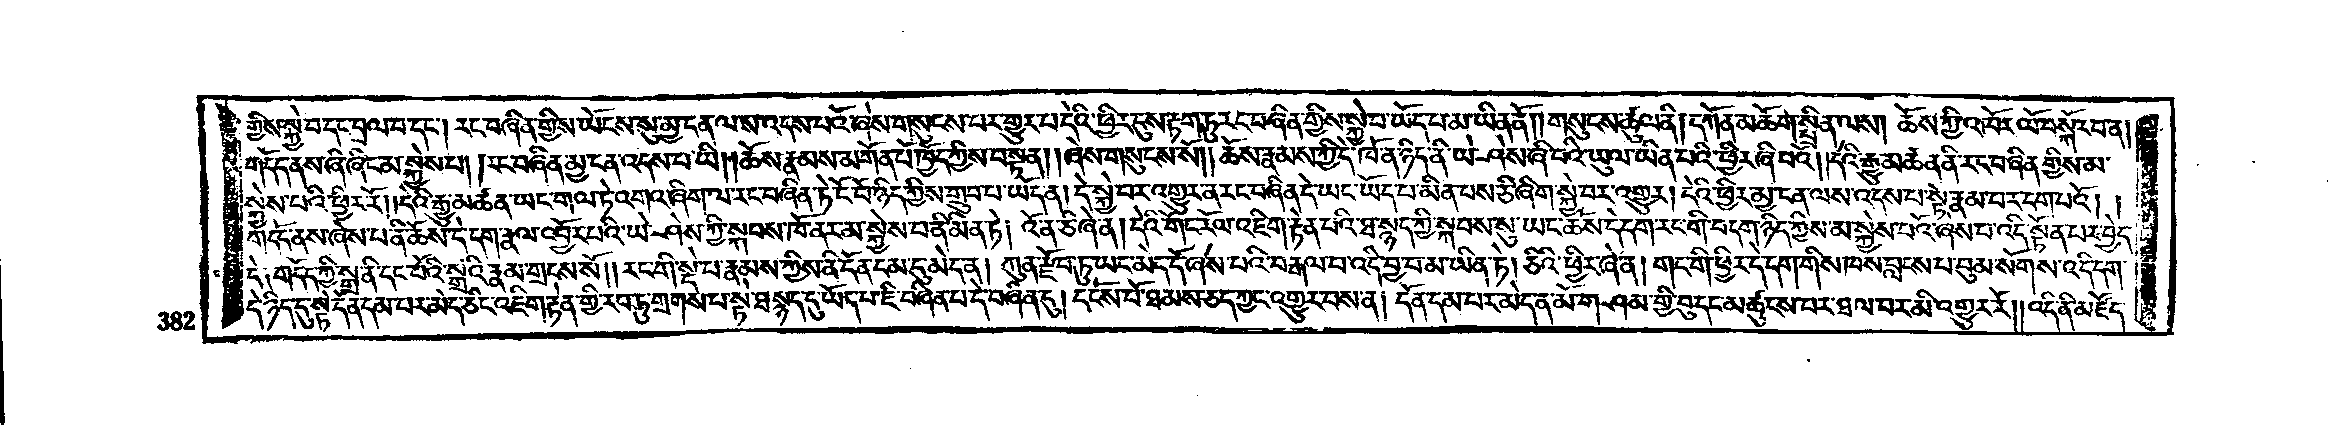གྱིས་སྐྱེ་བ་དང་བྲལ་བ་དང་། རང་བཞིན་གྱིས་ཡོངས་སུ་མྱ་ངན་ལས་འདས་པའོ་ཞེས་གསུངས་པར་གྱུར་པ་དེའི་ཕྱིར་དུས་རྟག་ཏུ་རང་བཞིན་གྱིས་སྐྱེ་བ་ཡོད་པ་མ་ཡིན་ནོ། །གསུངས་ཚུལ་ནི། དཀོན་མཆོག་སྤྲིན་ལས། ཆོས་ཀྱི་འཁོར་ལོ་བསྐོར་བ་ན།
གདོད་ནས་ཞི་ཞིང་མ་སྐྱེས་པ། །རང་བཞིན་མྱ་ངན་འདས་པ་ཡི། །ཆོས་རྣམས་མགོན་པོ་ཁྱོད་ཀྱིས་བསྟན། །ཞེས་གསུངས་སོ། །ཆོས་རྣམས་ཀྱི་དེ་ཁོ་ན་ཉིད་ནི་ཡེ་ཤེས་ཞི་བའི་ཡུལ་ཡིན་པའི་ཕྱིར་ཞི་བའོ། །དེའི་རྒྱུ་མཚན་ནི་རང་བཞིན་གྱིས་མ་
སྐྱེས་པའི་ཕྱིར་རོ། །དེའི་རྒྱུ་མཚན་ཡང་གལ་ཏེ་འགའ་ཞིག་ལ་རང་བཞིན་ཏེ་ངོ་བོ་ཉིད་ཀྱིས་གྲུབ་པ་ཡོད་ན། དེ་སྐྱེ་བར་འགྱུར་ན་རང་བཞིན་དེ་ཡང་ཡོད་པ་མིན་པས་ཅི་ཞིག་སྐྱེ་བར་འགྱུར། དེའི་ཕྱིར་མྱ་ངན་ལས་འདས་པ་སྟེ་རྣམ་པར་དག་པའོ། །
གདོད་ནས་ཞེས་པ་ནི་ཆོས་དེ་དག་རྣལ་འབྱོར་པའི་ཡེ་ཤེས་ཀྱི་སྐབས་ཁོ་ནར་མ་སྐྱེས་པ་ནི་མིན་ཏེ། འོ་ན་ཅི་ཞེ་ན། དེའི་གོང་རོལ་འཇིག་རྟེན་པའི་ཐ་སྙད་ཀྱི་སྐབས་སུ་ཡང་ཆོས་དེ་དག་རང་གི་བདག་ཉིད་ཀྱིས་མ་སྐྱེས་པའོ་ཞེས་པ་འདི་སྟོན་པར་བྱེད་
དེ། གདོད་ཀྱི་སྒྲ་ནི་དང་པོའི་སྒྲའི་རྣམ་གྲངས་སོ། །རང་གི་སྡེ་པ་རྣམས་ཀྱིས་ནི་དོན་དམ་དུ་མེད་ན། ཀུན་རྫོབ་ཏུ་ཡང་མེད་དོ་ཞེས་པའི་བརྒལ་བ་འདི་བྱ་བ་མ་ཡིན་ཏེ། ཅིའི་ཕྱིར་ཞེ་ན། གང་གི་ཕྱིར་དེ་དག་གིས་ཁས་བླངས་པ་བུམ་སོགས་འདི་དག་
དེ་ཉིད་དུ་སྟེ་དོན་དམ་པར་མེད་ཅིང་འཇིག་རྟེན་གྱི་རབ་ཏུ་གྲགས་པ་སྟེ་ཐ་སྙད་དུ་ཡོད་པ་ཇི་བཞིན་པ་དེ་བཞིན་དུ། དངོས་པོ་ཐམས་ཅད་ཀྱང་འགྱུར་བས་ན། དོན་དམ་པར་མེད་ན་མོ་གཤམ་གྱི་བུ་དང་ཚུངས་པར་ཐལ་བར་མི་འགྱུར་རོ། །འདི་ནི་མཛོད་